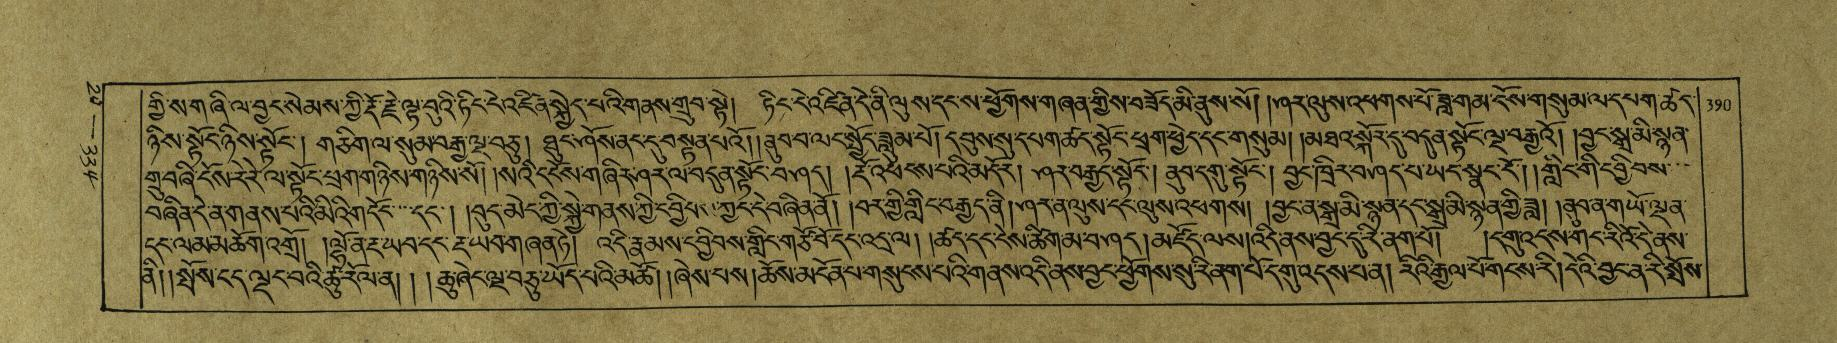གྱི་ས་གཞི་ལ་བྱང་སེམས་ཀྱི་རྡོ་རྗེ་ལྟ་བུའི་ཏིང་ངེ་འཛིན་སྐྱེད་པའི་གནས་གྲུབ་སྟེ། ཏིང་ངེ་འཛིན་དེ་ནི་ལུས་དང་ས་ཕྱོགས་གཞན་གྱིས་བཟོད་མི་ནུས་སོ། །ཤར་ལུས་འཕགས་པོ་ཟླ་གམ་ངོས་གསུམ་ལ་དཔག་ཚད་
ཉིས་སྟོང་ཉིས་སྟོང་། གཅིག་ལ་སུམ་བརྒྱ་ལྔ་བཅུ། ཐུང་ཤོས་ནང་དུ་བསྟན་པའོ། །ནུབ་བ་ལང་སྤྱོད་ཟླུམ་པོ། དབུས་སུ་དཔག་ཚད་སྟོང་ཕྲག་ཕྱེད་དང་གསུམ། །མཐའ་སྐོར་དུ་བདུན་སྟོང་ལྔ་བརྒྱའོ། །བྱང་སྒྲ་མི་སྙན་
གྲུབ་བཞི་ངོས་རེ་རེ་ལ་སྟོང་ཕྲག་གཉིས་གཉིས་སོ། །སའི་དངོས་གཞིར་ཤར་ལ་བདུན་སྟོང་བཤད། །རྡོ་འཕངས་པའི་མདོར། ཤར་བརྒྱད་སྟོང་། ནུབ་དགུ་སྟོང་། བྱང་ཁྲིར་བཤད་པ་ཡང་སྣང་ངོ། །གླིང་གི་དབྱིབས་
བཞིན་དེ་ན་གནས་པའི་མིའི་གདོང་དང་། །བུད་མེད་ཀྱི་སྐྱེ་གནས་ཀྱི་དབྱིབས་ཀྱང་དེ་བཞིན་ནོ། །བར་གྱི་གླིང་བརྒྱད་ནི། ཤར་ན་ལུས་དང་ལུས་འཕགས། །བྱང་ན་སྒྲ་མི་སྙན་དང་སྒྲ་མི་སྙན་གྱི་ཟླ། །ནུབ་ན་གཡོ་ལྡན་
དང་ལམ་མཆོག་འགྲོ། །ལྷོ་ན་རྔ་ཡབ་དང་རྔ་ཡབ་གཞན་ཏེ། འདི་རྣམས་དབྱིབས་གླིང་གཙོ་བོ་དང་འདྲ་ལ། །ཚད་དང་ངེས་ཚིག་མ་བཤད། མཛོད་ལས། འདི་ནས་བྱང་དུ་རི་ནག་པོ། །དགུ་འདས་གང་རིའོ་དེ་ནས་
ནི། །སྤོས་ངད་ལྡང་བའི་ཚུ་རོལ་ན། ། །ཆུ་ཞེང་ལྔ་བཅུ་ཡོད་པའི་མཚོ། །ཞེས་པས། ཆོས་མངོན་པ་གསུངས་པའི་གནས་འདི་ནས་བྱང་ཕྱོགས་སུ་རི་ནག་པོ་དགུ་འདས་པ་ན། རིའི་རྒྱལ་པོ་གངས་རི། དེའི་བྱང་ན་རི་སྤོས་